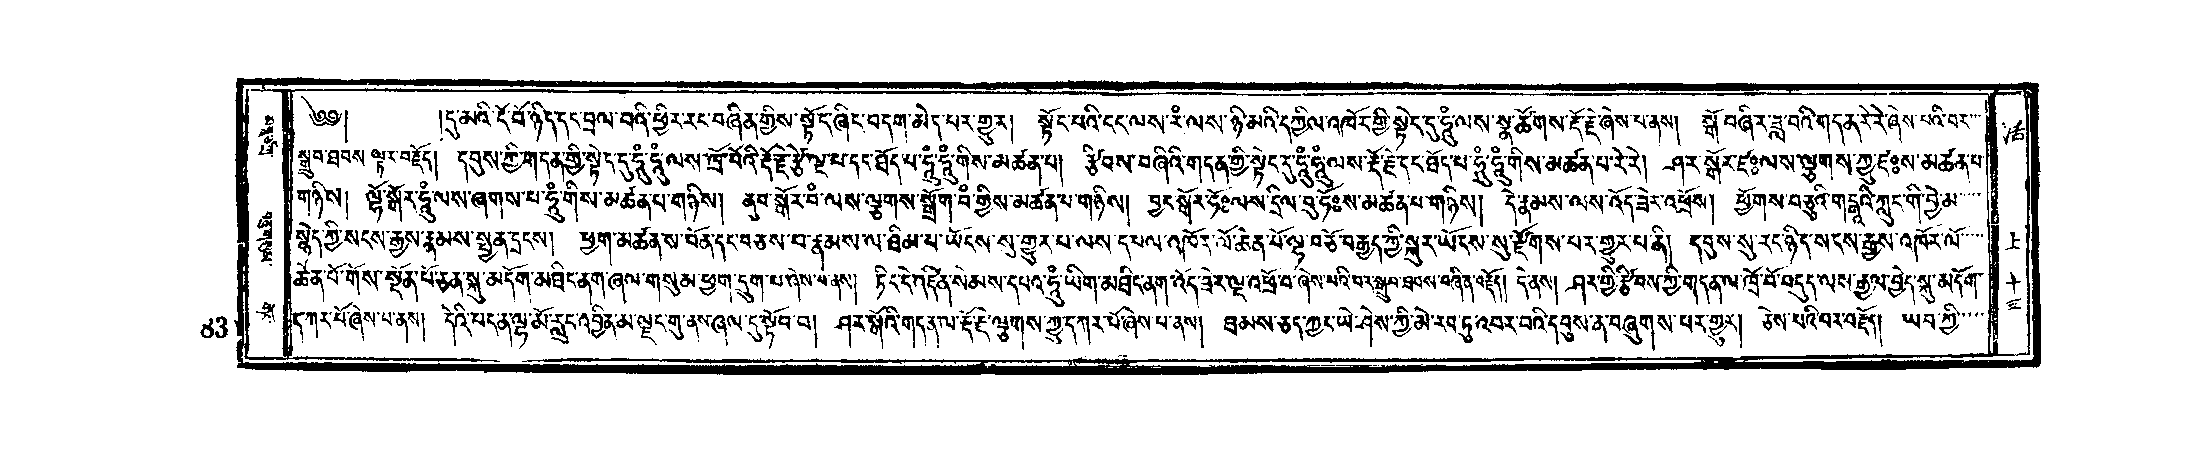༄༅། །དུ་མའི་ངོ་བོ་ཉིད་དང་བྲལ་བའི་ཕྱིར་རང་བཞིན་གྱིས་སྟོང་ཞིང་བདག་མེད་པར་གྱུར། སྟོང་པའི་ངང་ལས་རཾ་ལས་ཉི་མའི་དཀྱིལ་འཁོར་གྱི་སྟེང་དུ་ཧཱུཾ་ལས་སྣ་ཚོགས་རྡོ་རྗེ་ཞེས་པ་ནས། སྒོ་བཞིར་ཟླ་བའི་གདན་རེ་རེ་ཞེས་པའི་བར་
སྒྲུབ་ཐབས་ལྟར་བརྗོད། དབུས་ཀྱི་གདན་གྱི་སྟེང་དུ་ཧཱུཾ་ཧཱུཾ་ལས་ཁྲོ་བོའི་རྡོ་རྗེ་རྩེ་ལྔ་པ་དང་ཐོད་པ་ཧཱུཾ་ཧཱུཾ་གིས་མཚན་པ། རྩིབས་བཞིའི་གདན་གྱི་སྟེང་དུ་ཧཱུཾ་ཧཱུཾ་ལས་རྡོ་རྗེ་དང་ཐོད་པ་ཧཱུཾ་ཧཱུཾ་གིས་མཚན་པ་རེ་རེ། ཤར་སྒོར་ཛཿ ལས་ལྕགས་ཀྱུ་ཛཿ ས་མཚན་པ་
གཉིས། ལྷོ་སྒོར་ཧཱུཾ་ལས་ཞགས་པ་ཧཱུཾ་གིས་མཚན་པ་གཉིས། ནུབ་སྒོར་བཾ་ལས་ལྕགས་སྒྲོག་བཾ་གྱིས་མཚན་པ་གཉིས། བྱང་སྒོར་ཧོཿ ལས་དྲིལ་བུ་ཧོཿ ས་མཚན་པ་གཉིས། དེ་རྣམས་ལས་འོད་ཟེར་འཕྲོས། ཕྱོགས་བཅུའི་གངྒཱའི་ཀླུང་གི་བྱེ་མ་
སྙེད་ཀྱི་སངས་རྒྱས་རྣམས་སྤྱན་དྲངས། ཕྱག་མཚན་ས་བོན་དང་བཅས་པ་རྣམས་ལ་ཐིམ་པ་ཡོངས་སུ་གྱུར་པ་ལས་དཔལ་འཁོར་ལོ་ཆེན་པོ་ལྷ་བཅོ་བརྒྱད་ཀྱི་སྐུར་ཡོངས་སུ་རྫོགས་པར་གྱུར་པ་ནི། དབུས་སུ་རང་ཉིད་སངས་རྒྱས་འཁོར་ལོ་
ཆེན་པོ་གོས་སྔོན་པོ་ཅན་སྐུ་མདོག་མཐིང་ནག་ཞལ་གསུམ་ཕྱག་དྲུག་པ་ཞེས་པ་ནས། ཏིང་ངེ་འཛིན་སེམས་དཔའ་ཧཱུཾ་ཡིག་མཐིང་ནག་འོད་ཟེར་ལྔ་འཕྲོ་བ་ཞེས་པའི་བར་སྒྲུབ་ཐབས་བཞིན་བརྗོད། དེ་ནས། ཤར་གྱི་རྩིབས་ཀྱི་གདན་ལ་ཁྲོ་བོ་བདུད་ལས་རྒྱལ་བྱེད་སྐུ་མདོག་
དཀར་པོ་ཞེས་པ་ནས། དེའི་པང་ན་ལྷ་མོ་རླུང་འབྱིན་མ་ལྗང་གུ་ནས་ཞལ་དུ་སྟོབ་བ། ཤར་སྒོའི་གདན་ལ་རྡོ་རྗེ་ལྕགས་ཀྱུ་དཀར་པོ་ཞེས་པ་ནས། ཐམས་ཅད་ཀྱང་ཡེ་ཤེས་ཀྱི་མེ་རབ་ཏུ་འབར་བའི་དབུས་ན་བཞུགས་པར་གྱུར། ཅེས་པའི་བར་བརྗོད། ཡབ་ཀྱི་